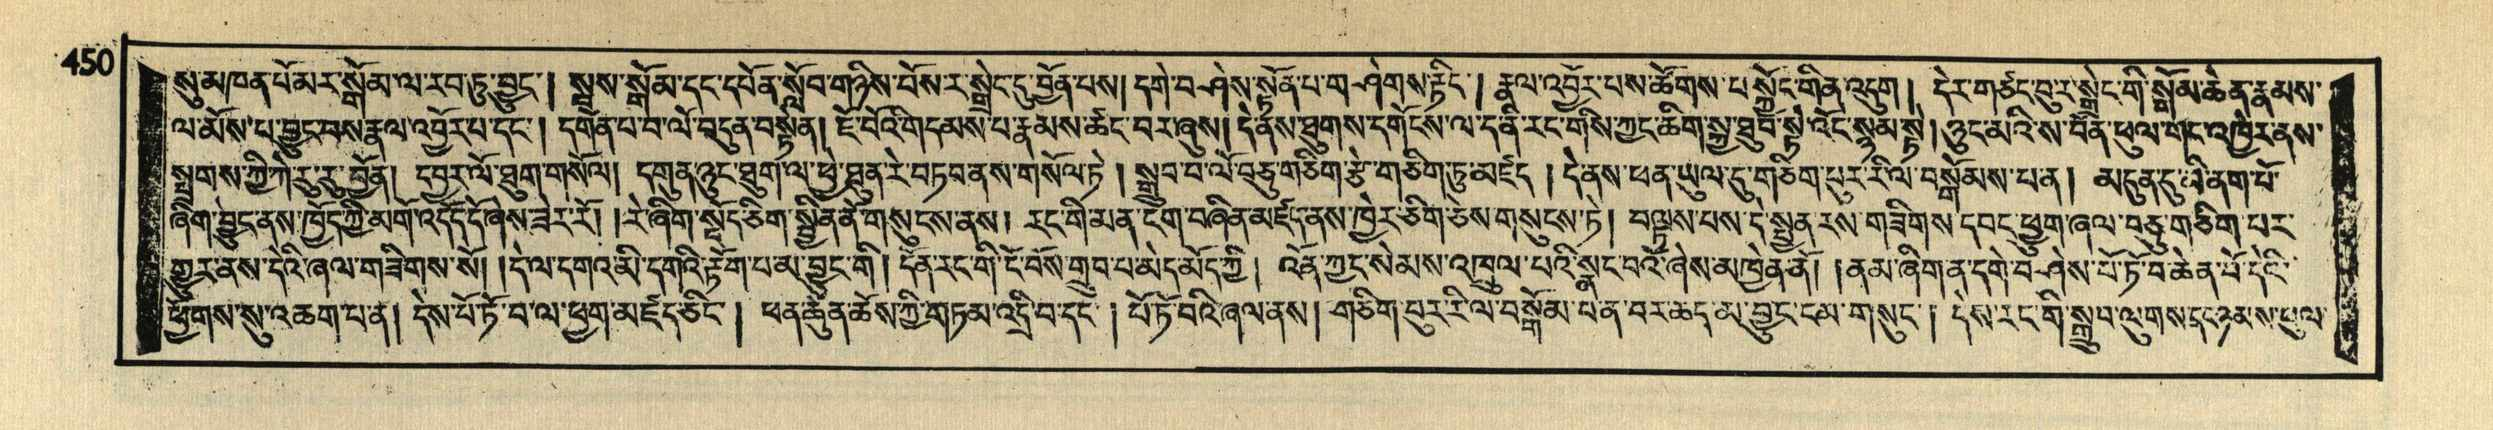སུ་མཁན་པོ་མར་སྒོམ་ལ་རབ་ཏུ་བྱུང་། སྦས་སྒོམ་དང་དཔོན་སློབ་གཉིས་པོས་ར་སྒྲེང་དུ་བྱོན་པས། དགེ་བཤེས་སྟོན་པ་གཤེགས་རྟིང་། རྣལ་འབྱོར་པས་ཚོགས་པ་སྐྱོང་གིན་འདུག། དེར་གཙང་བུ་ར་སྒྲེང་གི་སྒོམ་ཆེན་རྣམས་
ལ་མོས་པ་བྱུང་བས་རྣལ་འབྱོར་པ་དང་། དགོན་པ་བ་ལོ་བདུན་བསྟན། ཇོ་བོའི་གདམས་པ་རྣམས་ཚང་བར་ཞུས། དེ་ནས་ཐུགས་དགོངས་ལ་ད་ནི་རང་གིས་ཀྱང་ཆིག་སྐྱ་ཐུབ་སྟེ་འོང་སྙམ་སྟེ། ཉུང་མའི་ས་བོན་ཕུལ་གང་འཁྱེར་ནས་
སྤྲགས་ཀྱི་ཀེ་རུ་རུ་བྱོན། དབྱར་ལོ་ཐུག་གསོལ། དགུན་ཉུང་ཐུག་ལ་ཕྱེ་ཐུན་རེ་བཏབ་ནས་གསོལ་ཏེ། སྒྲུབ་བ་ལོ་བཅུ་གཅིག་རྩེ་གཅིག་ཏུ་མཛད། དེ་ནས་ཕན་ཡུལ་དུ་གཅིག་པུར་རི་ལ་བསྒོམས་པ་ན། མདུན་དུ་མི་ནག་པོ་
ཞིག་བྱུང་ནས་ཁྱོད་ཀྱི་མགོ་འདོད་དོ་ཞེས་ཟེར་རོ། །རེ་ཞིག་སྡོད་ཅིག་སྦྱིན་ནོ་གསུངས་ནས། རང་གི་མན་ངག་བཞིན་མཛད་ནས་ཁྱེར་ཅིག་ཅེས་གསུངས་ཏེ། བལྟས་པས་དེ་སྤྱན་རས་གཟིགས་དབང་ཕྱུག་ཞལ་བཅུ་གཅིག་པར་
གྱུར་ནས་དེའི་ཞལ་གཟིགས་སོ། །དེ་ལ་དགའ་མི་དགའི་རྟོག་པ་མ་བྱུང་གི། དོན་རང་གི་ངོ་བོས་གྲུབ་པ་མེད་མོད་ཀྱི། འོན་ཀྱང་སེམས་འཁྲུལ་པའི་སྣང་བའོ་ཞེས་མཁྱེན་ནོ། །ནམ་ཞིག་ན་དགེ་བཤེས་པོ་ཏོ་བ་ཆེན་པོ་དེའི་
ཕྱོགས་སུ་འཆག་པ་ན། དེས་པོ་ཏོ་བ་ལ་ཕྱག་མཛད་ཅིང་། ཕན་ཚུན་ཆོས་ཀྱི་གཏམ་འདྲི་བ་དང་། པོ་ཏོ་བའི་ཞལ་ནས། གཅིག་པུར་རིལ་བསྒོམ་པ་ན་བར་ཆད་མ་བྱུང་ངམ་གསུང་། དེས་རང་གི་སྒྲུབ་ལུགས་དང་ཉམས་ཕུལ་